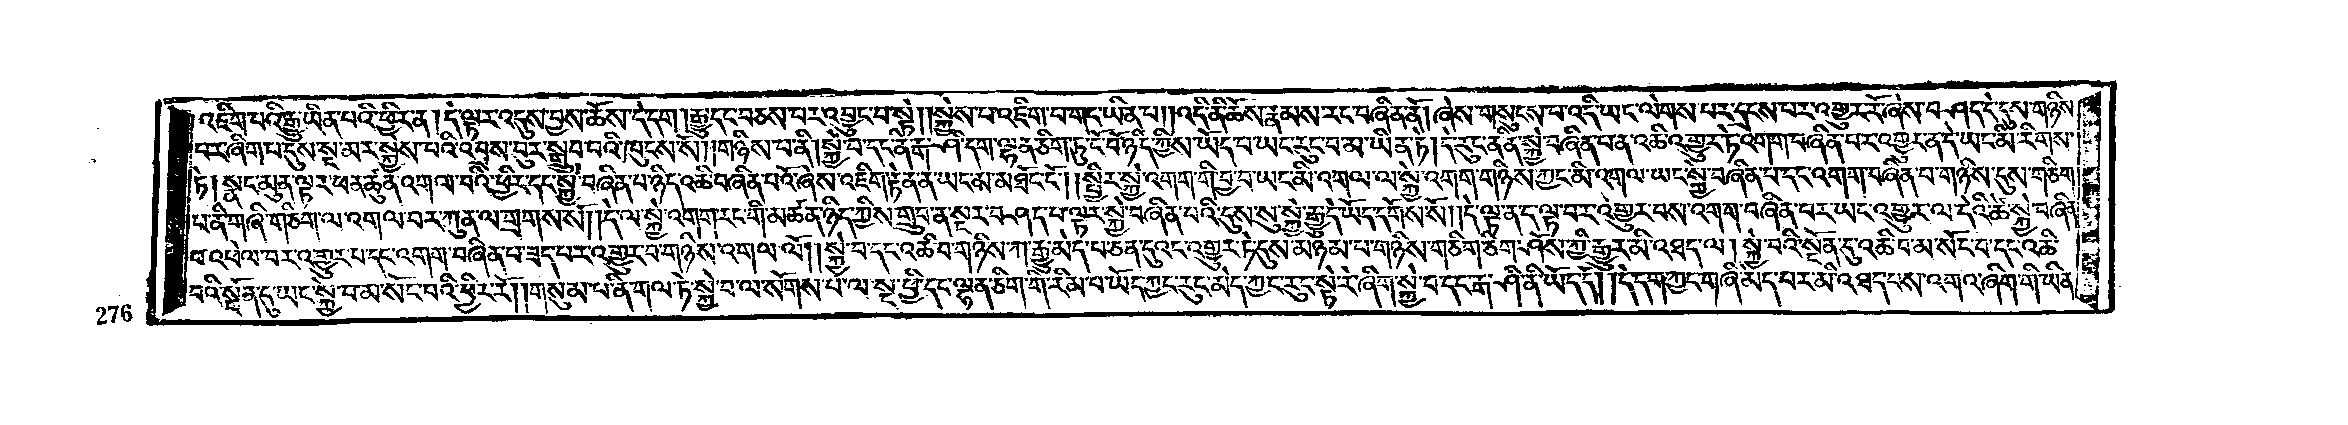འཇིག་པའི་རྒྱུ་ཡིན་པའི་ཕྱིར་ན། དེ་ལྟར་འདུས་བྱས་ཆོས་དེ་དག །རྒྱུ་དང་བཅས་པར་འབྱུང་བ་སྟེ། །སྐྱེས་པ་འཇིག་པ་གང་ཡིན་པ། །འདི་ནི་ཆོས་རྣམས་རང་བཞིན་ནོ། ཞེས་གསུངས་པ་འདི་ཡང་ལེགས་པར་དྲངས་པར་འགྱུར་རོ་ཞེས་བཤད་དེ་དུས་གཉིས་
པར་ཞིག་པ་དུས་སྔ་མར་སྐྱེས་པའི་འབྲས་བུར་སྒྲུབ་པའི་ཁུངས་སོ། །གཉིས་པ་ནི། སྐྱེ་བ་དང་ནི་རྒ་ཤི་དག་ལྷན་ཅིག་ཏུ་ངོ་བོ་ཉིད་ཀྱིས་ཡོད་པ་ཡང་རུང་བ་མ་ཡིན་ཏེ། དེ་རུང་ན་ནི་སྐྱེ་བཞིན་པ་ན་འཆི་འགྱུར་ཏེ་འགག་བཞིན་པར་འགྱུར་ན་དེ་ཡང་མི་རིགས་
ཏེ། སྣང་མུན་ལྟར་ཕན་ཚུན་འགལ་བའི་ཕྱིར་དང་སྐྱེ་བཞིན་པ་ཉིད་འཆི་བཞིན་པའོ་ཞེས་འཇིག་རྟེན་ན་ཡང་མ་མཐོང་ངོ། །སྤྱིར་སྐྱེ་འགག་གི་བྱ་བ་ཡང་མི་འགལ་ལ་སྐྱེ་འགག་གཉིས་ཀྱང་མི་འགལ་ཡང་སྐྱེ་བཞིན་པ་དང་འགག་བཞིན་པ་གཉིས་དུས་གཅིག་
པ་ནི་གཞི་གཅིག་ལ་འགལ་བར་ཀུན་ལ་གྲགས་སོ། །དེ་ལ་སྐྱེ་འགག་རང་གི་མཆན་ཉིད་ཀྱིས་གྲུབ་ན་སྔར་བཤད་པ་ལྟར་སྐྱེ་བཞིན་པའི་དུས་སུ་སྐྱེ་རྒྱུ་དེ་ཡོད་དགོས་སོ། །དེ་ལྟ་ན་ད་ལྟ་བར་འགྱུར་བས་འགག་བཞིན་པར་ཡང་འགྱུར་ལ་དེའི་ཚེ་སྐྱེ་བཞིན་
པ་འཕེལ་བར་འགྱུར་བ་དང་འགག་བཞིན་པ་ཟད་པར་འགྱུར་བ་གཉིས་འགལ་ལོ། །སྐྱེ་བ་དང་འཆི་བ་གཉིས་ཀ་རྒྱུ་མེད་པ་ཅན་དུའང་འགྱུར་ཏེ་དུས་མཉམ་པ་གཉིས་གཅིག་ཅིག་ཤོས་ཀྱི་རྒྱུར་མི་འཐད་ལ། སྐྱེ་བའི་སྔོན་དུ་འཆི་བ་མ་སོང་བ་དང་འཆི་
བའི་སྔོན་དུ་ཡང་སྐྱེ་བ་མ་སོང་བའི་ཕྱིར་རོ། །གསུམ་པ་ནི་གལ་ཏེ་སྐྱེ་བ་ལ་སོགས་པ་ལ་སྔ་ཕྱི་དང་ལྷན་ཅིག་གི་རིམ་པ་ཡོད་ཀྱང་རུང་མེད་ཀྱང་རུང་སྟེ་རེ་ཞིག་སྐྱེ་བ་དང་རྒ་ཤི་ནི་ཡོད་དོ། །དེ་དག་ཀྱང་གཞི་མེད་པར་མི་འཐད་པས་འགའ་ཞིག་གི་ཡིན་